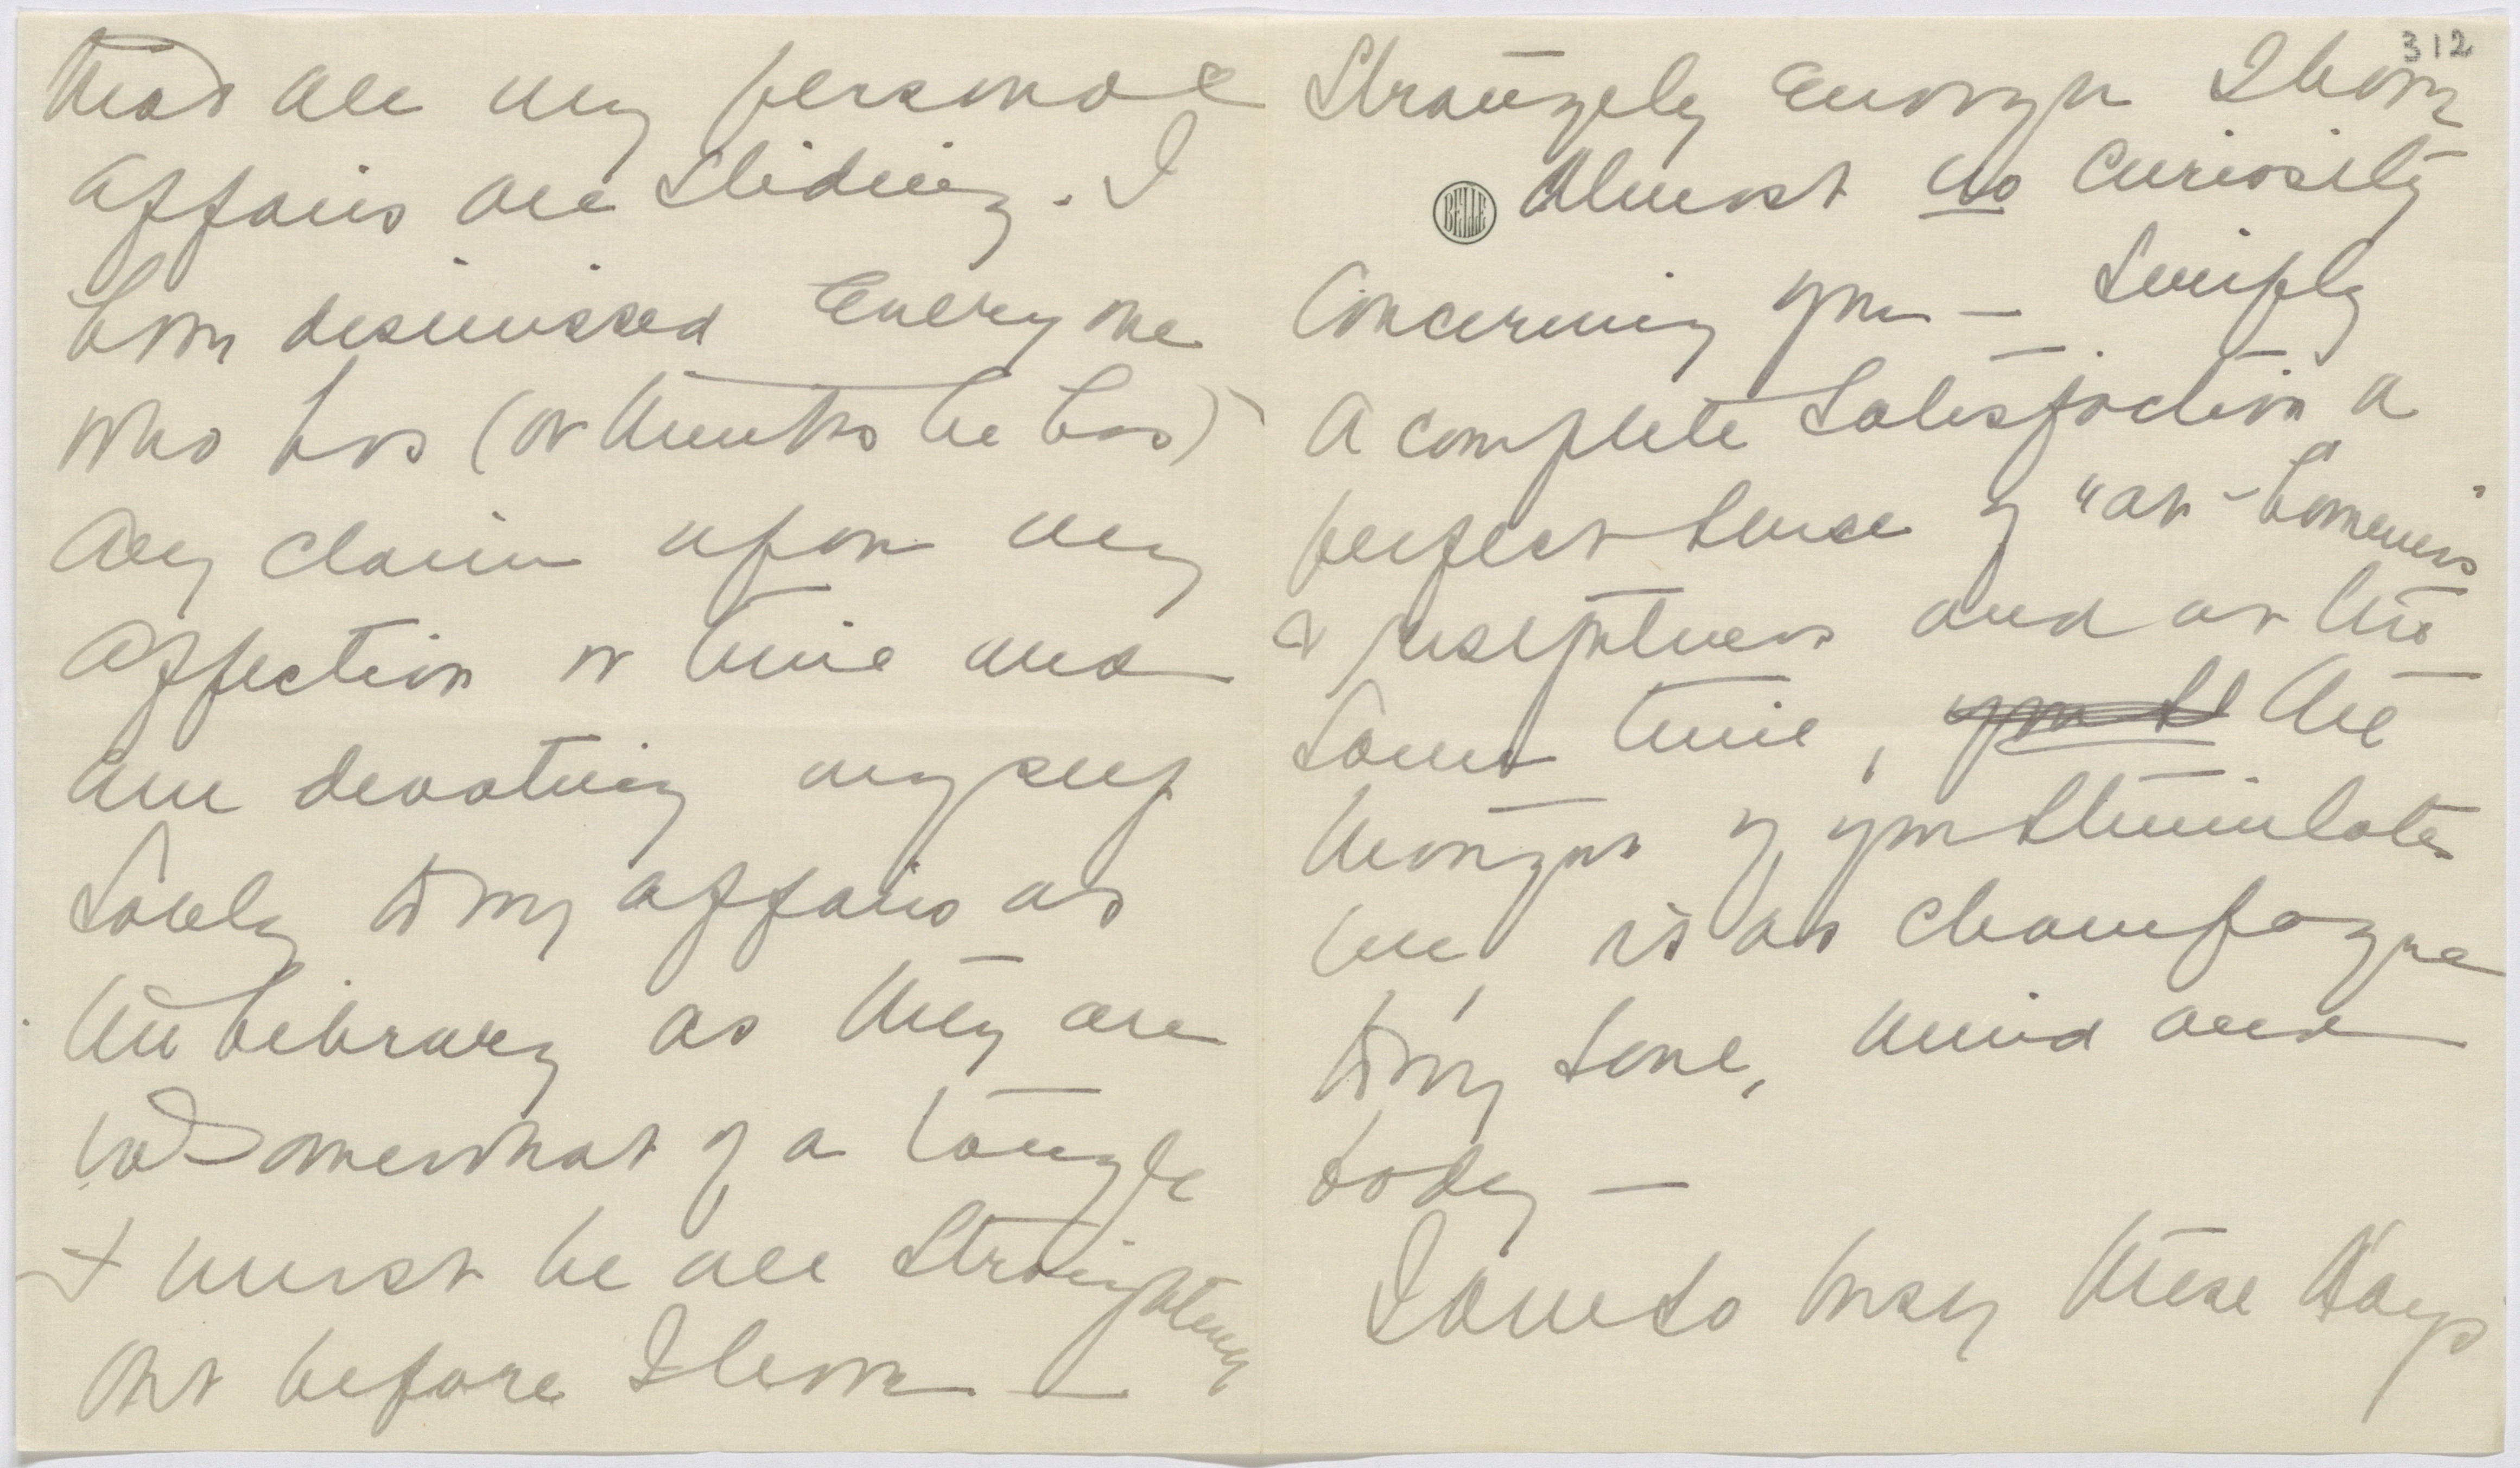strangely enough I have almost no curiosity concerning you – simply a complete satisfaction a perfect sense of “at-homeness” & restfulness and at the same time, you st the thought of you stimulates me, is as champagne to my soul, mind and body –
I am so busy these days
that all my personal affairs are sliding – I have dismissed every one who has (or thinks he has) any claim upon my affection or time and am devoting myself solely to my affairs at the Library as they are in somewhat of a tangle & must be all straightened out before I leave –